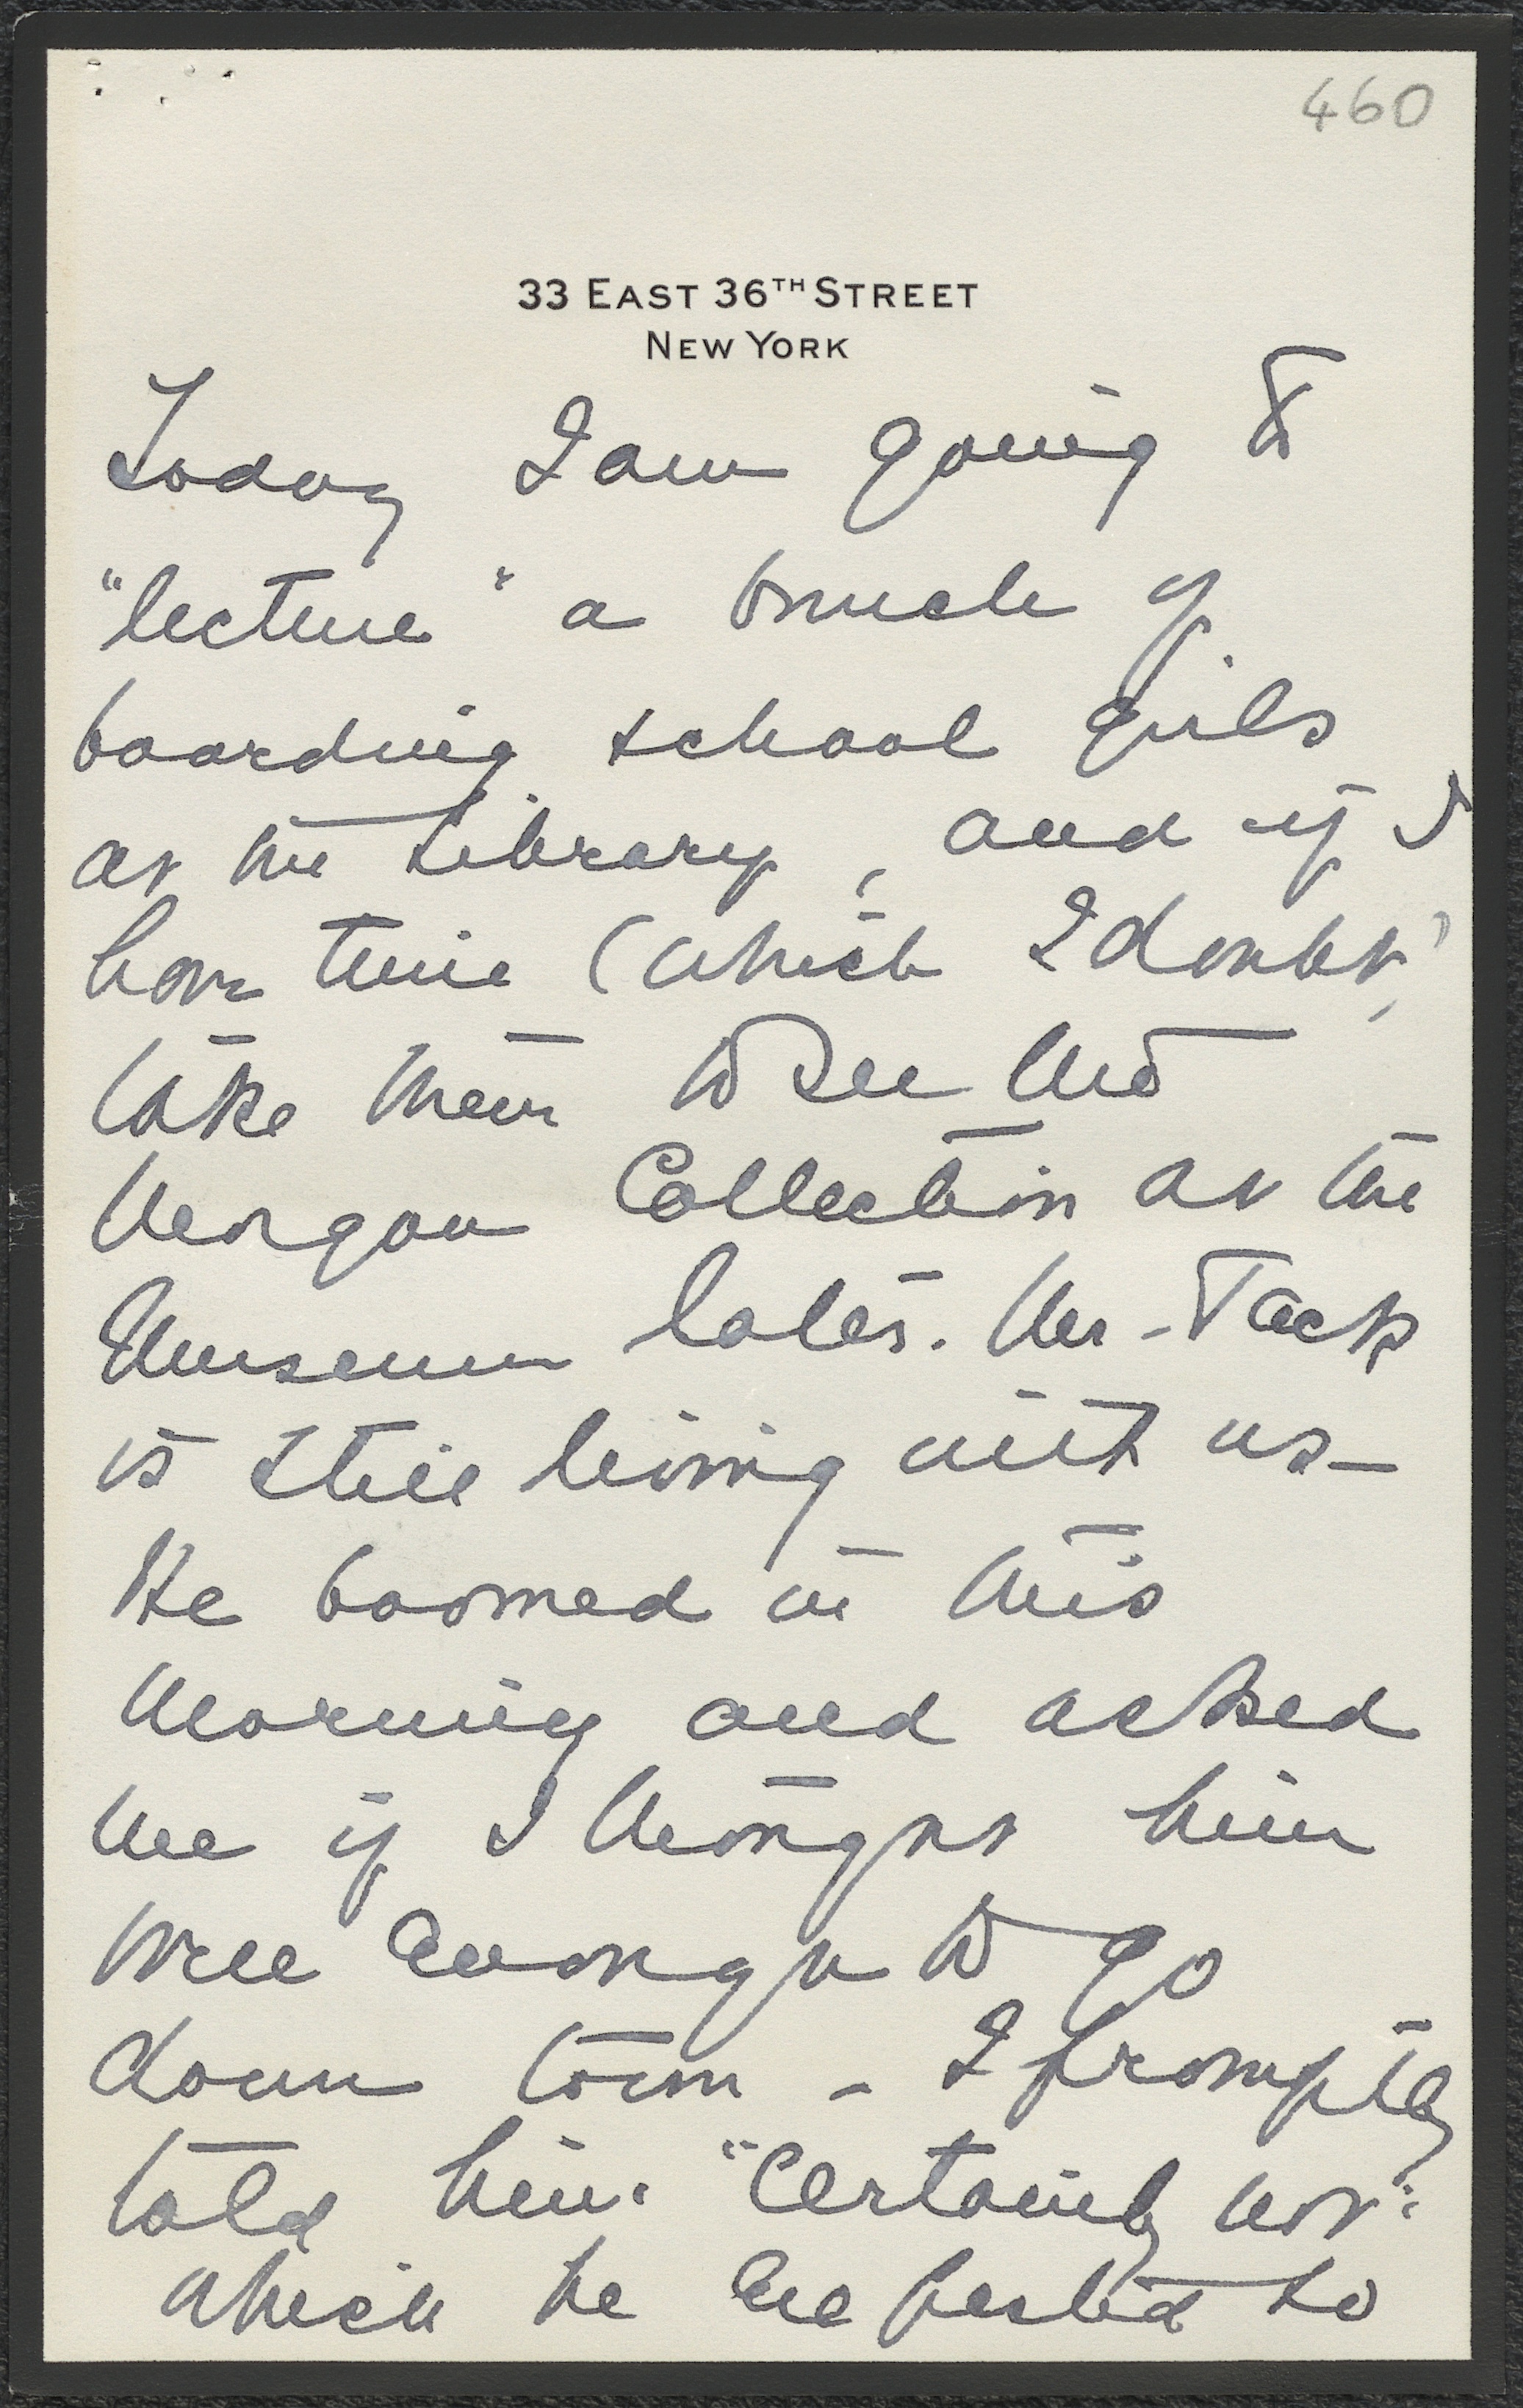Today I am going to “lecture” a bunch of boarding school girls at the Library, and if I have time (which I doubt) take them to see the Morgan Collection at the Museum later. Mr. Jack is still living with us – He boomed in this morning and asked me if I thought him well enough to go down town – I promptly told him “certainly not” which he expected so